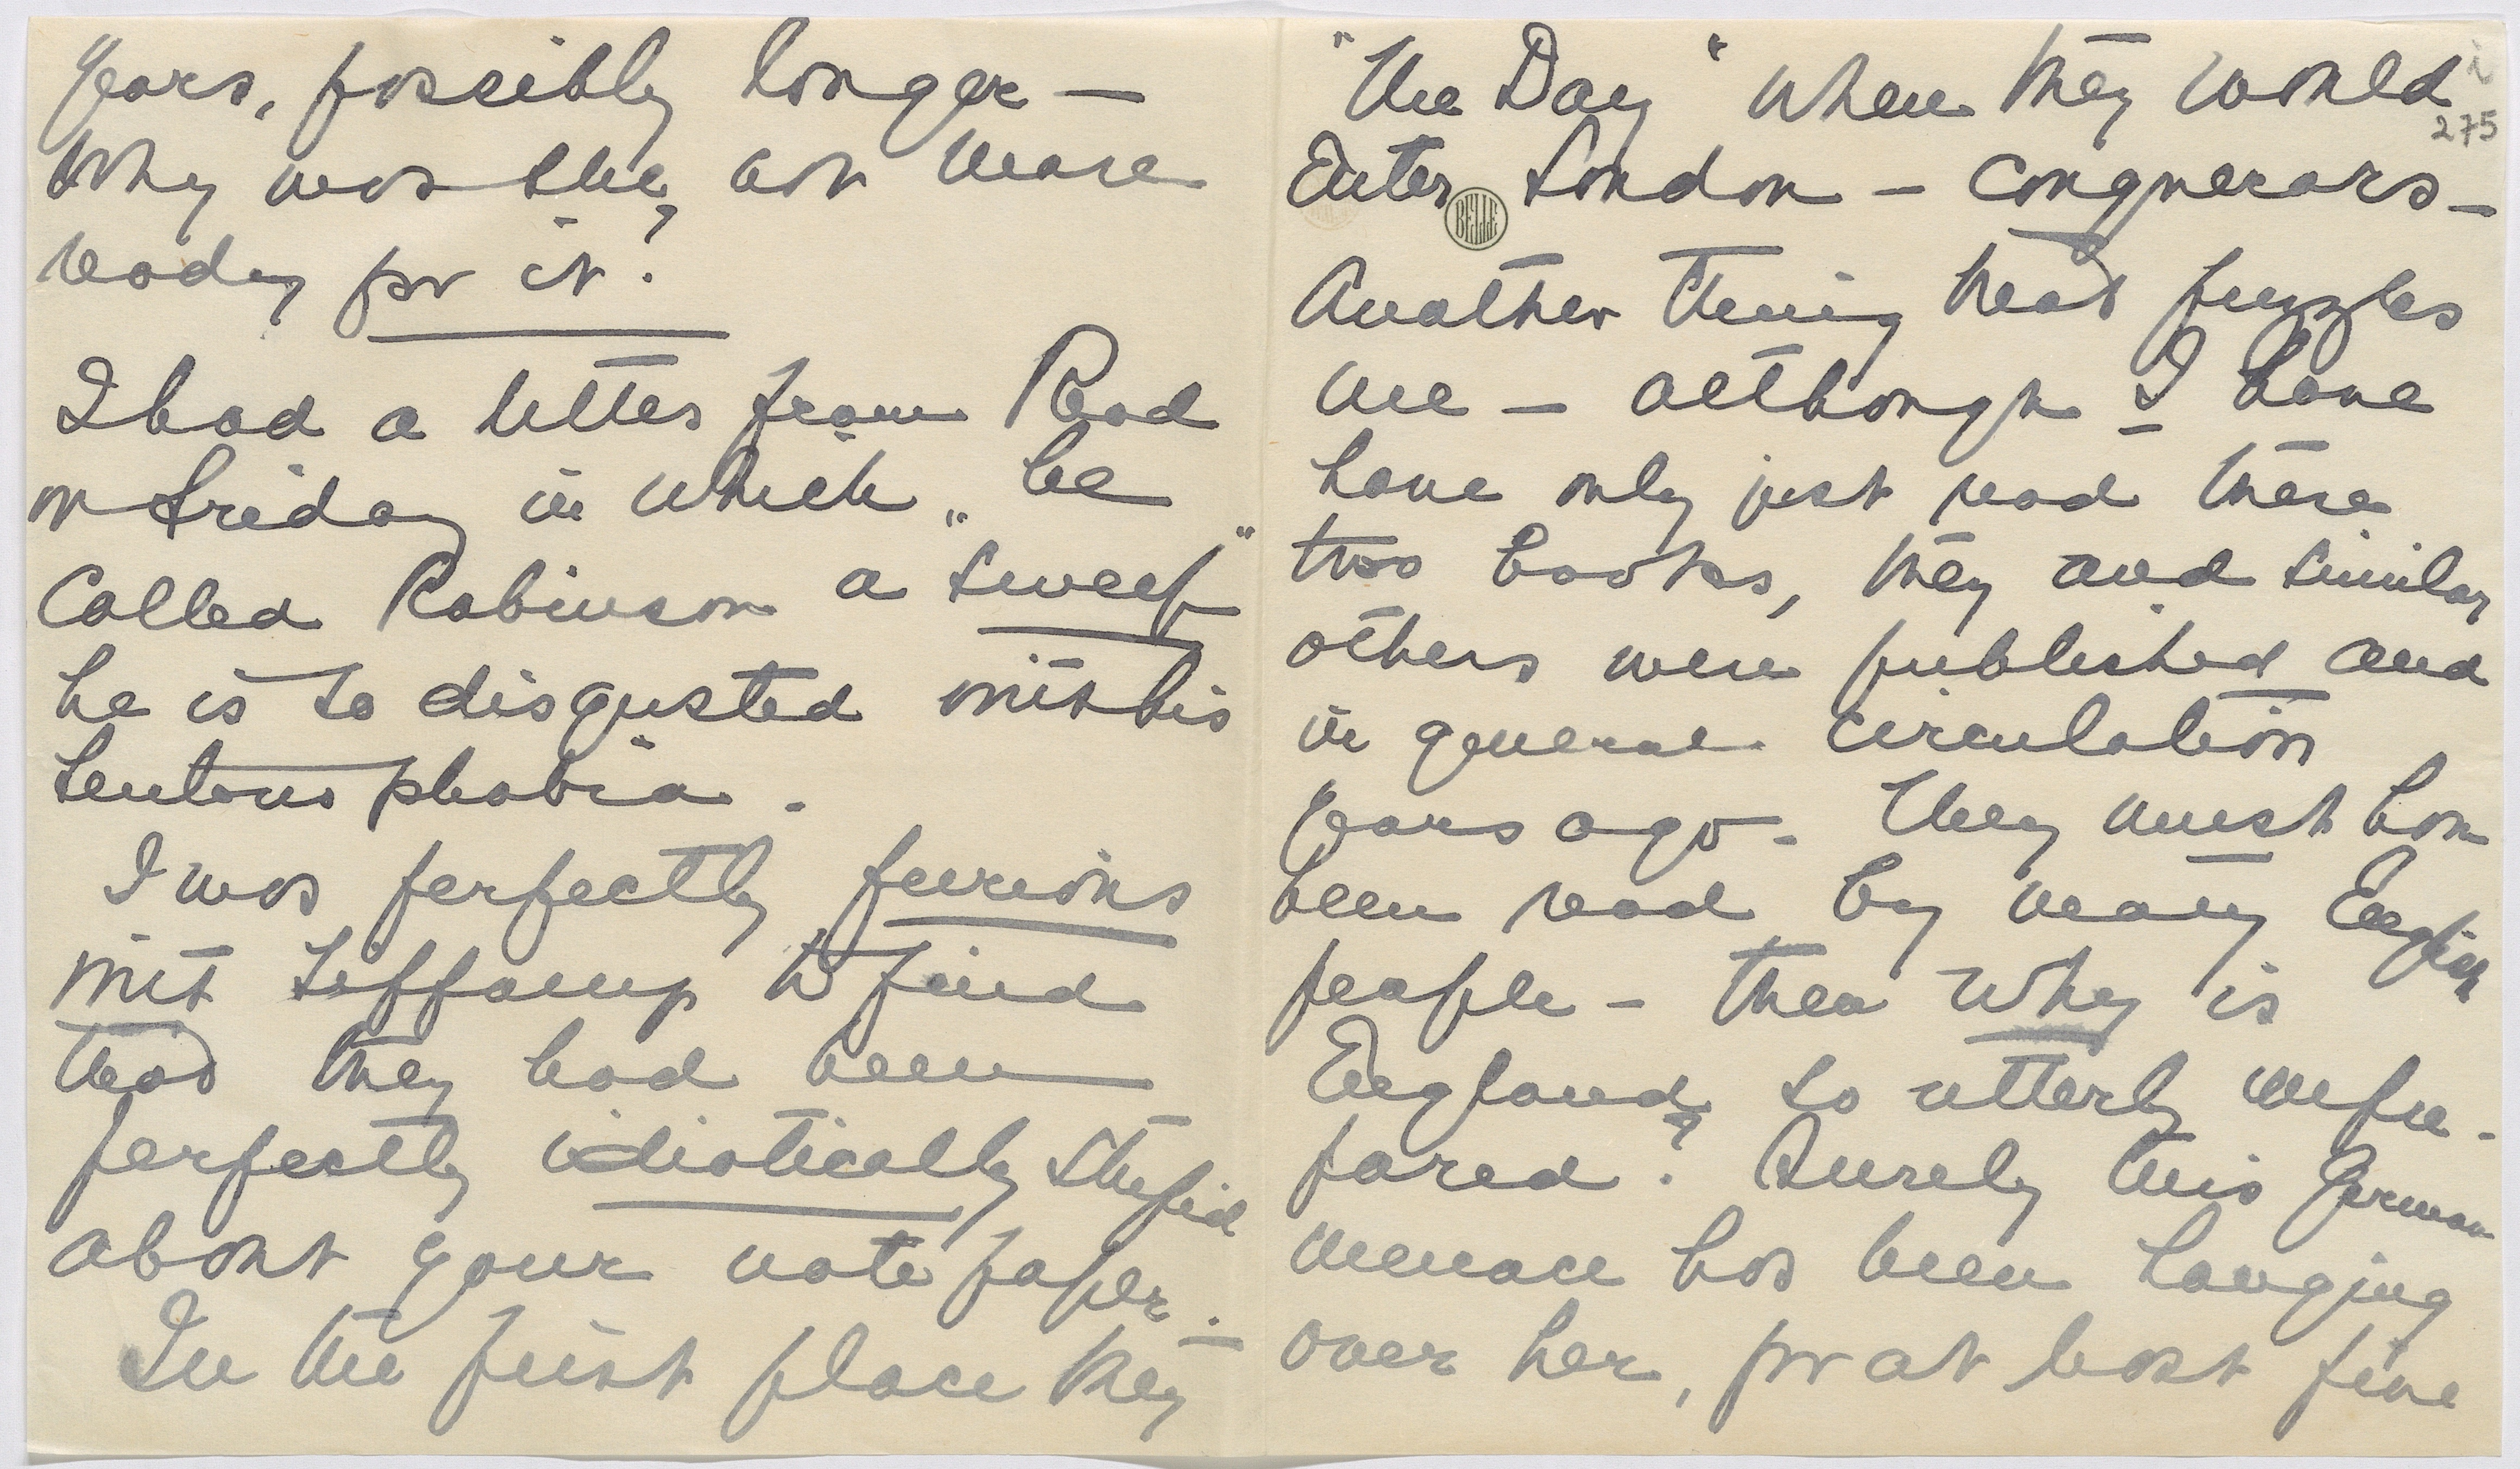“The Day” when they would enter London – conquerors – Another thing that puzzles me – although I have only just read these two books, they and similar others were published and in general circulation years ago – They must have been read by many English people – then why is England so utterly unprepared? Surely this German menace has been hanging over her, for at least five
years, possibly longer – Why was she not more ready for it?
I had a letter from Reed on Friday in which he called Robinson a "sweep" he is so disgusted with his Teutonophobia.
I was perfectly furious with Tiffany to find that they had been perfectly idiotically stupid about your note paper.
In the first place they